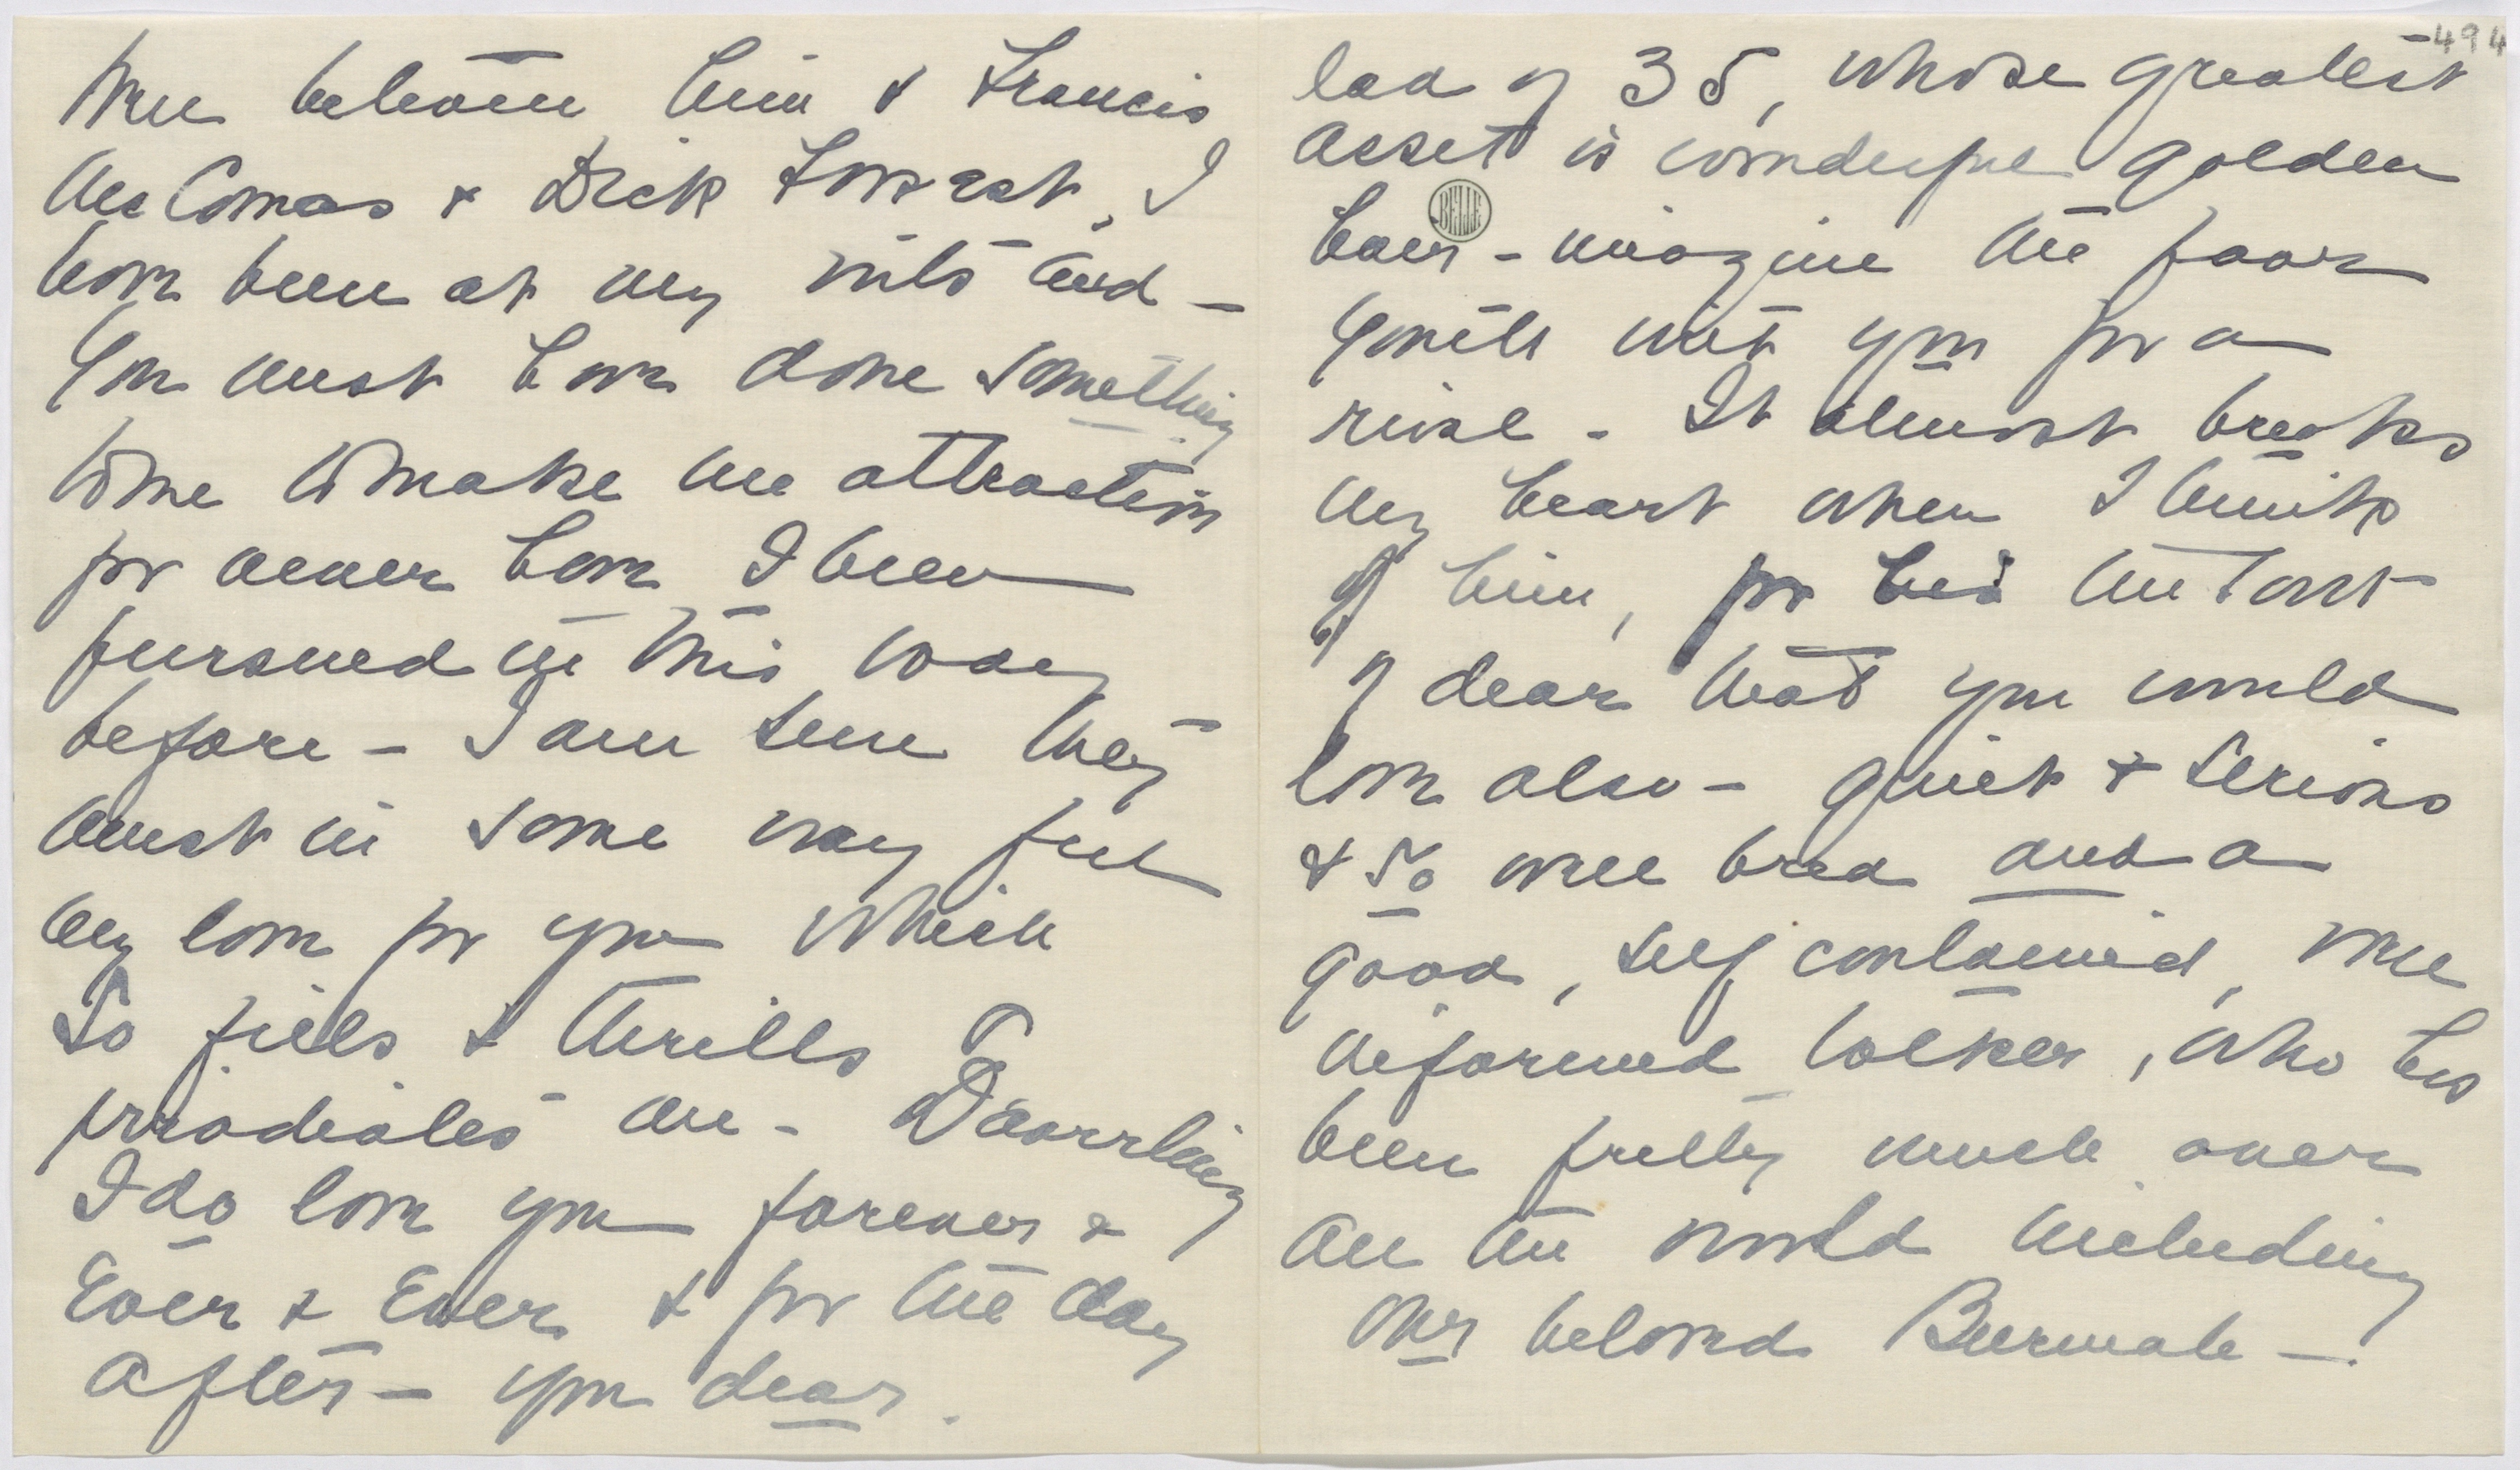lad of 35, whose greatest asset is wonderful golden hair – imagine the poor youth with you for a rival – It almost breaks my heart when I think of him, for he’s the sort of dear that you would love also – quiet & serious & so well bred and a good, self contained, well informed talker, who has been pretty much over all the world including our beloved Burmale [?] –
Well between him & Francis McComas & Dick Forrest, I have been at my wits end – You must have done something to me to make me attractive for never have I been pursued in this way before – I am sure they must in some way feel my love for you which so fills & thrills & irradiates me – Daarrling I do love you forever & ever & ever & for the day after – You dear.